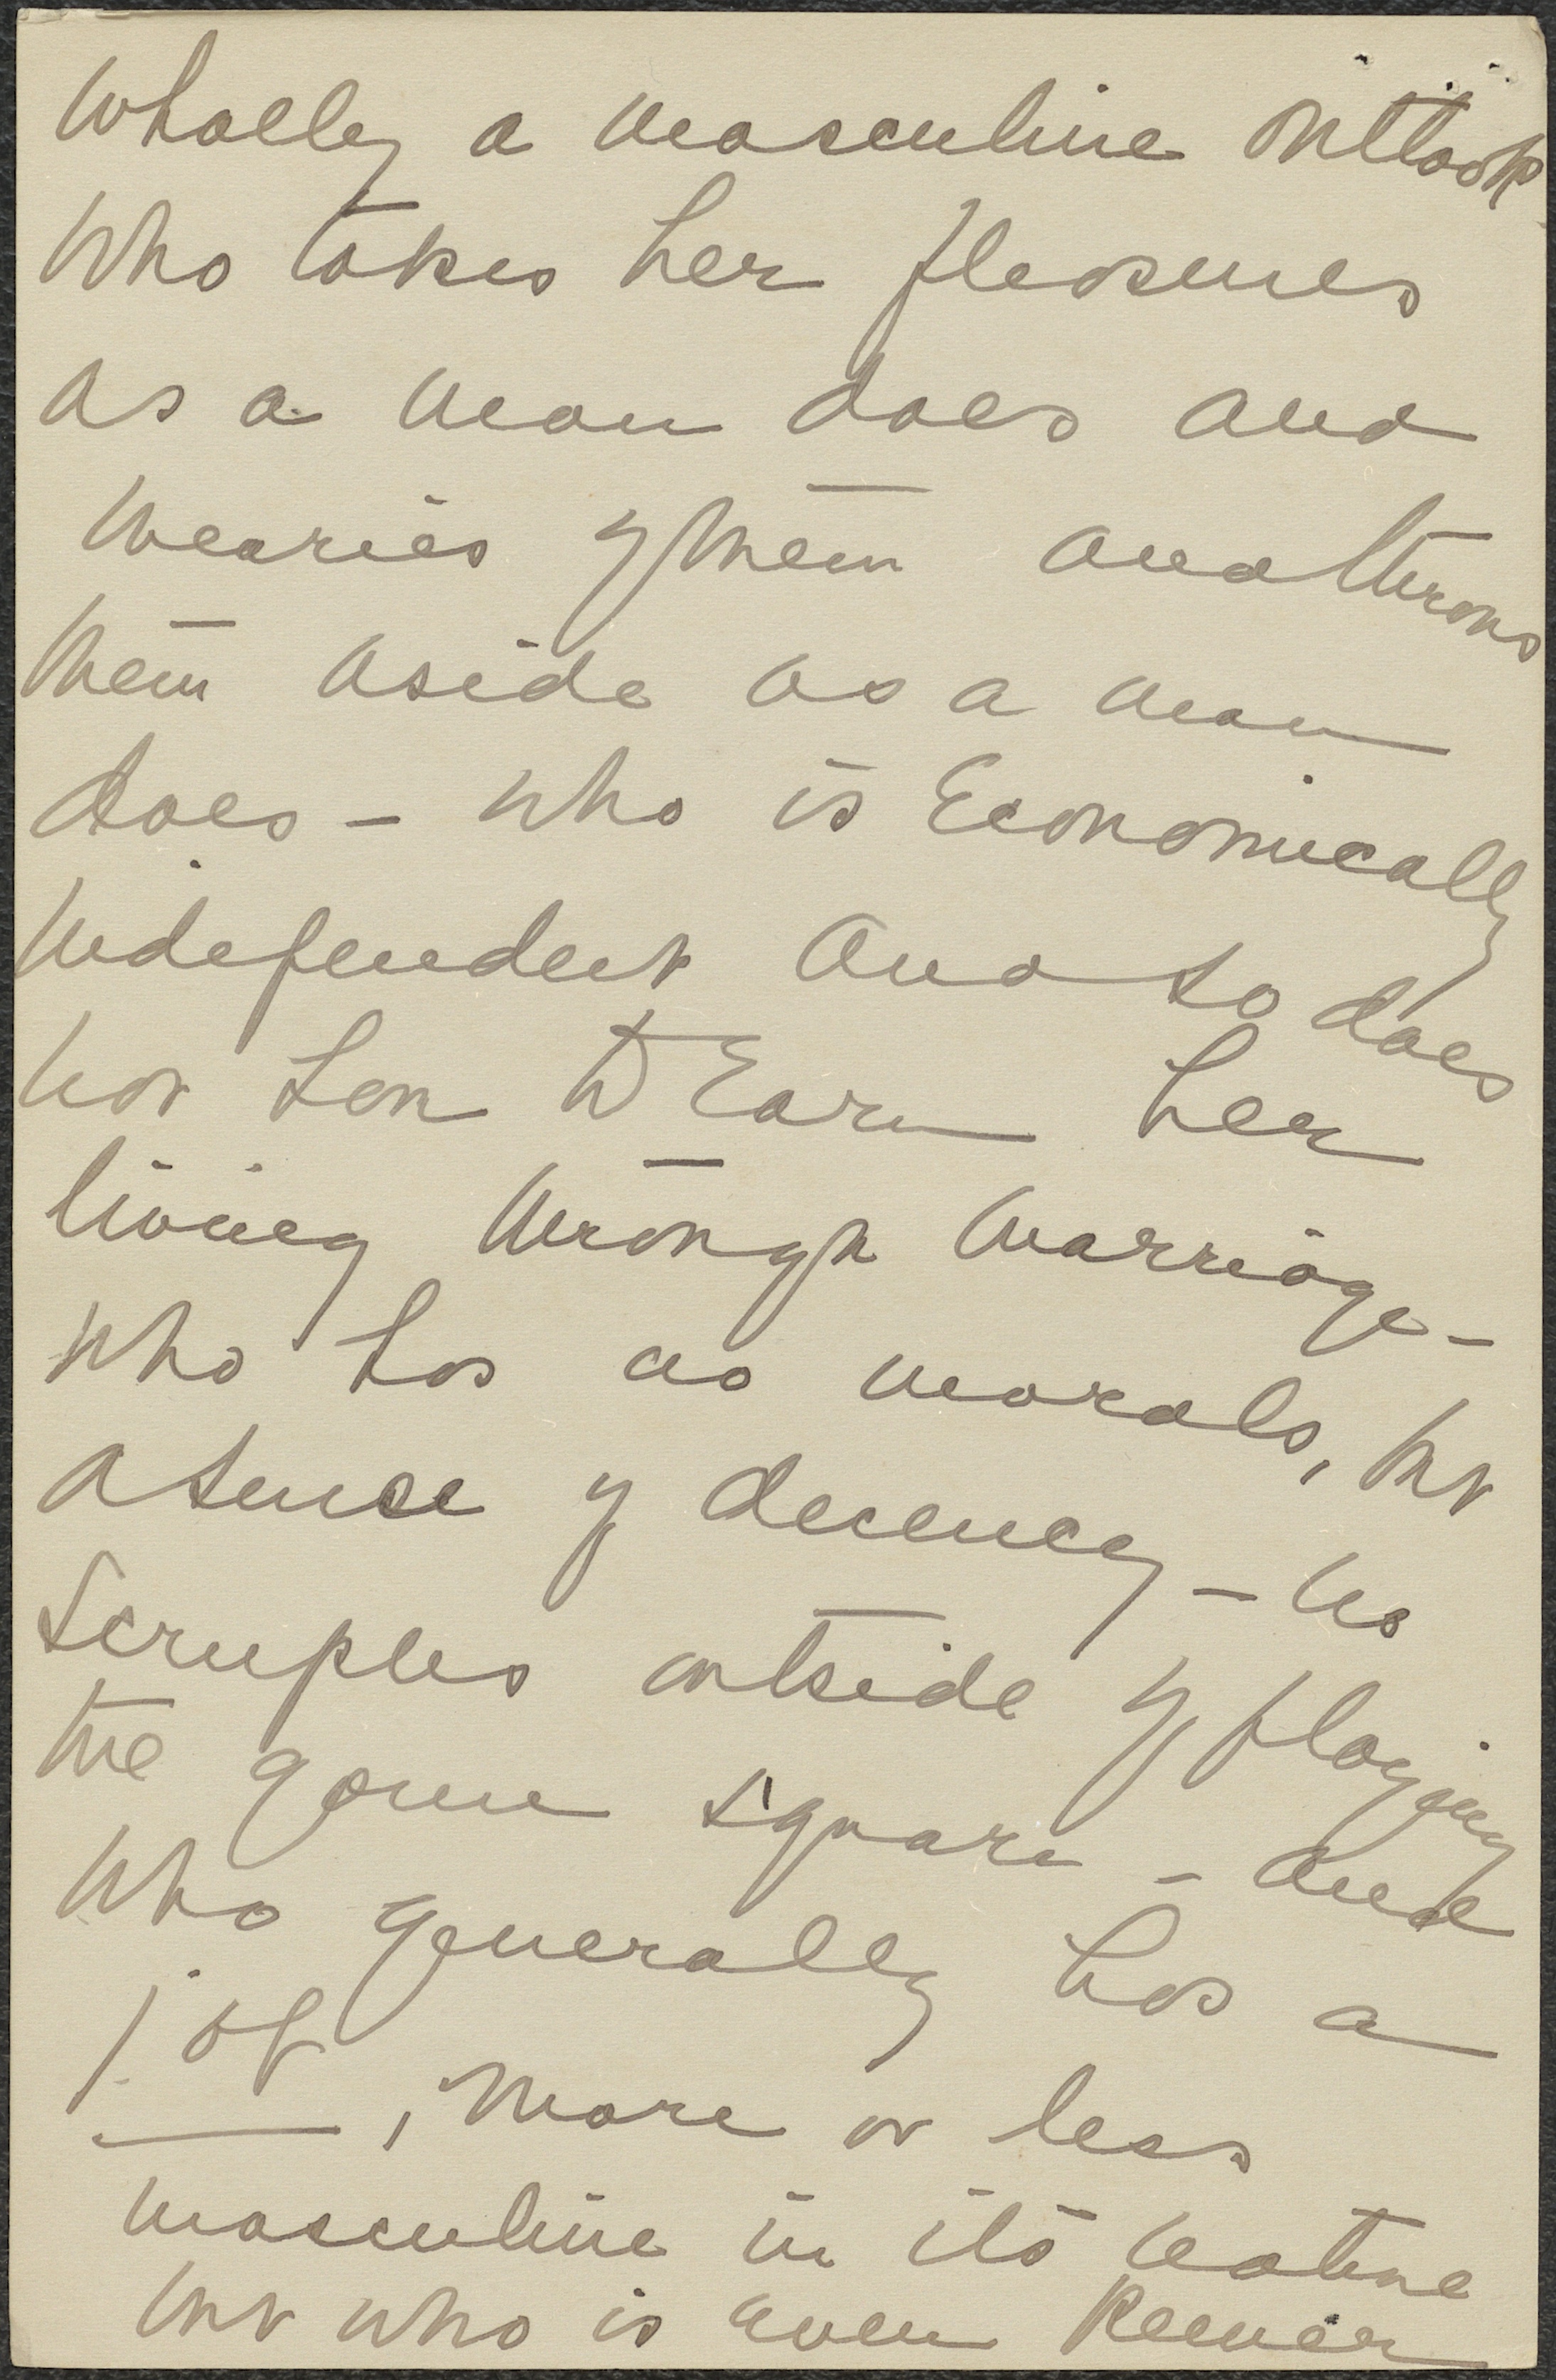wholly a masculine outlook who takes her pleasures as a man does and wearies of them and throws them aside as a man does – who is economically independent and so does not have to earn her living through marriage – who has no morals, but a sense of decency – no scruples outside of playing the game square – and who generally has a job, more or less masculine in its nature but who is even keener